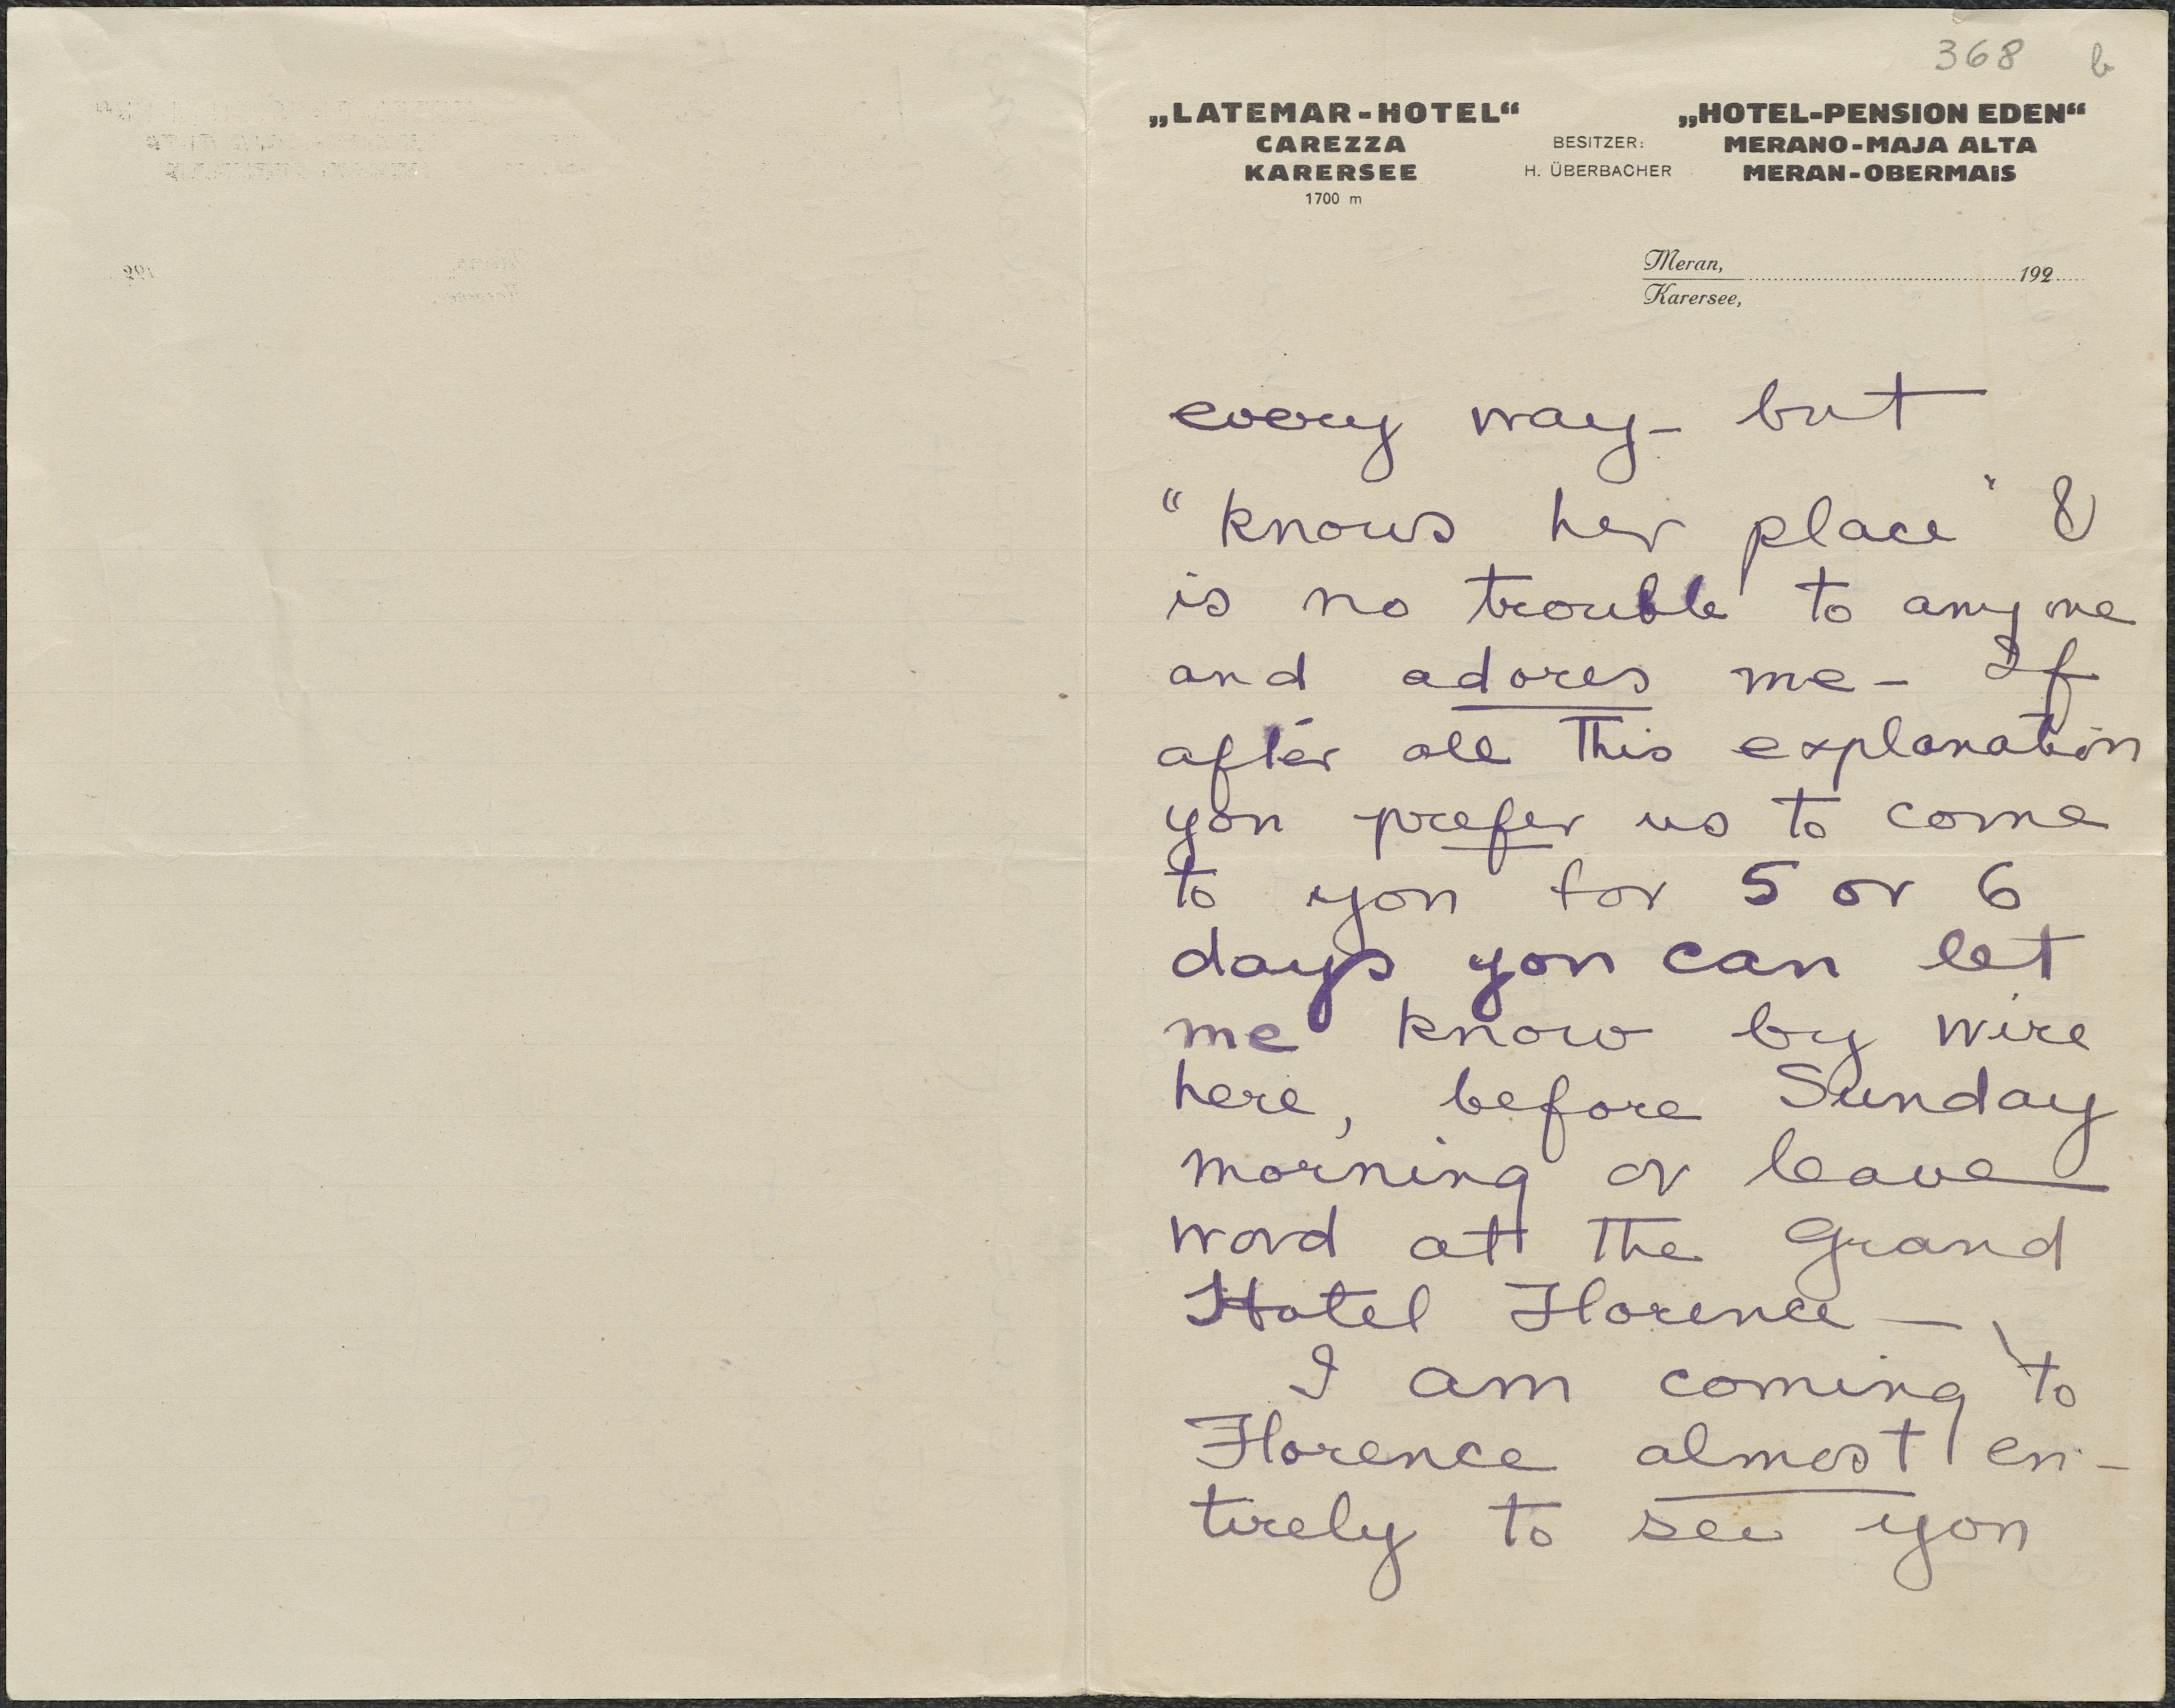every way – but “knows her place” & is no trouble to anyone and adores me – If after all this explanation you prefer us to come to you for 5 or 6 days you can let me know by wire here, before Sunday morning or leave word at the Grand Hotel Florence –
I am coming to Florence almost entirely to see you